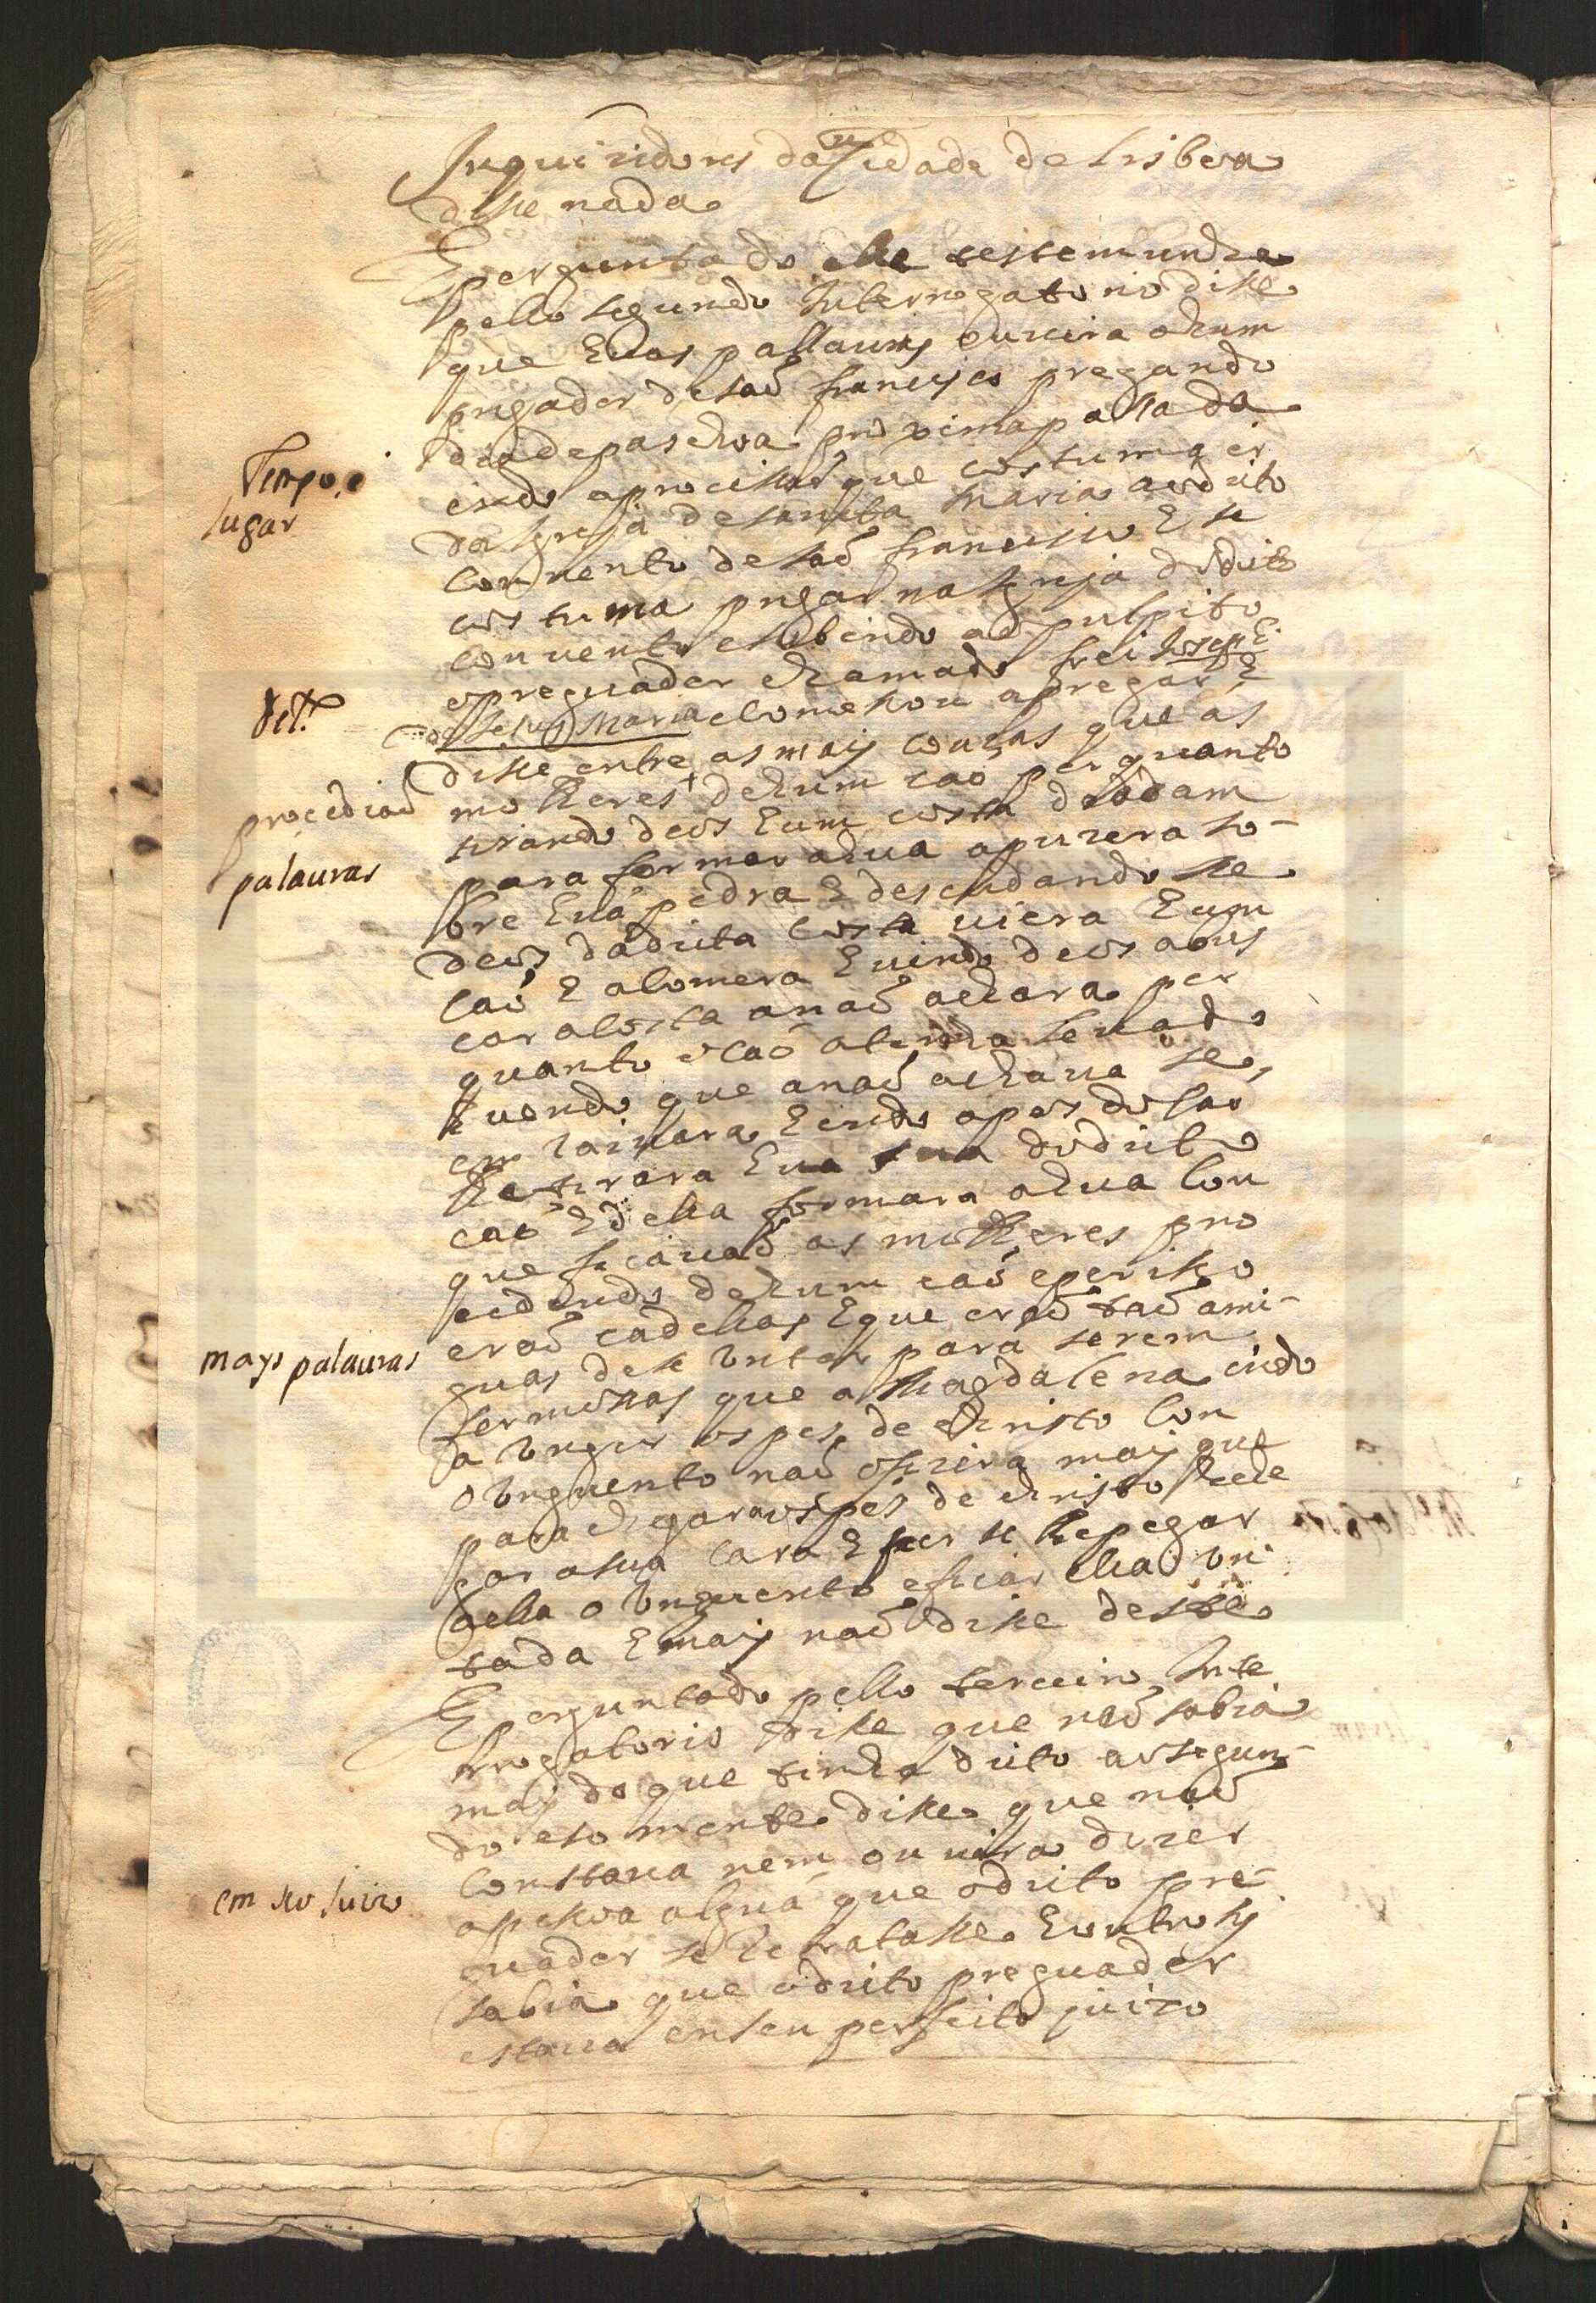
Tempo, e
lugar
del̄.o
proçediaõ
palauras
mays palauras
em seo Iuizo
Jnquizidores da Cidade de Lisboa
disse nada
E perguntado elle testemunha
pello segundo Interrogatorio disse
que huas pallauras ouuira a hum
pregador de saõ francisco pregando
dia de paschoa proxima passada
indo a procissaõ que costuma ser
da Igreja de sancta Maria ao dicto
conuento de saõ francisco E se
costuma pregar na Igreja do dicto
conuento e subindo ao pulpito
o preguador chamado frei Ioseph
de Iesus Maria e comessou a pregar, E
disse entre as mais couzas que as
molheres de hum saõ porquanto
tirando deos hum costa de adam
para formar a hua a puzera so
bre huā pedra E descudando lhe
deos da dicta costa uiera hum
caõ E a comera E uindo deos a bus
car a costa a naõ achara per
quanto o caõ a tinha leuado
E uendo que a naõ achaua se
emraiuara E indo a pes do Caõ
lhe tirara hua sua do dicto
caõ E della formara a hua Con
que ficauaõ as molheres pro
cedendo de hum caõ e per isso
eraõ cadellas E que eraõ taõ ami
guas de se vntar para serem
fermossas que a Magdalena indo
a vngir os pes de christo con
o vnguento naõ o fizera mais que
para chegar aos pes de christo E che
gar a sua cara E per se lhe pegar
a ella o vnguento e ficar ella vn
tada E mais naõ disse deste.
E perguntado pello terceiro Inte
rrogatorio disse que naõ sabia
mais do que tinha dicto ao segun
do e somente disse que naõ
constaua nem ouuira dizer
a pessoa alguā que o dicto pre
guador se Retratasse E outrosy
sabia que o dicto preguador
estaua en seu perfeito juizo
